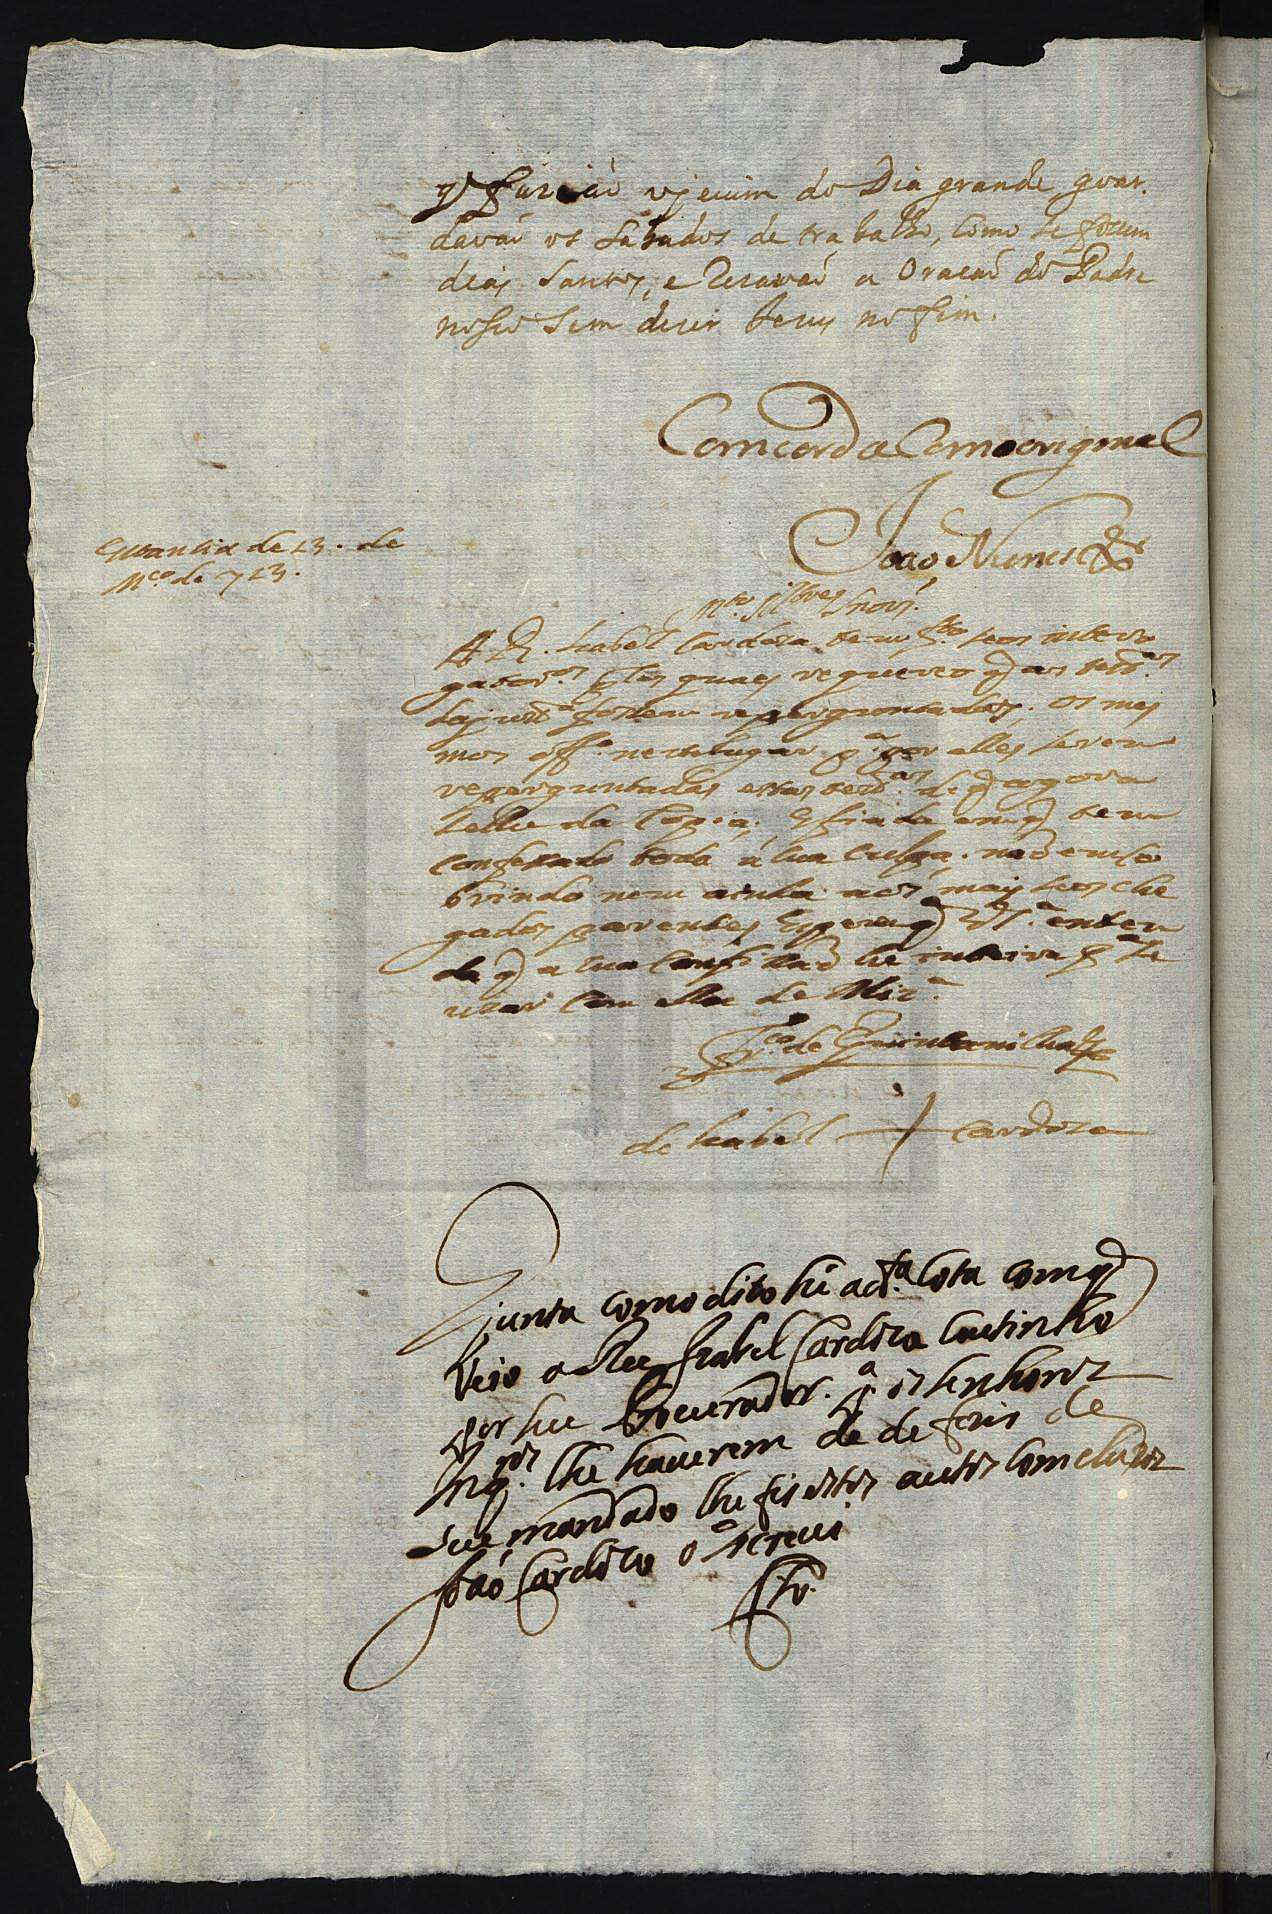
q̄ faziaõ o jeuim do Dia grande, guar
davaõ os sabados de trabalho, como se fossem
dias santos, e Rezavaõ a Oraçaõ do Padre
nosso sem dizer Iesus no fim.
Comcorda Com o original
Ioaõ Nunes xer
estancia de 13. de
M.co de 713.
Mto Ill.tres Snors̄.
A R. Izabel Cardoza tem f.to seus intero
gator.os p.las quaes requereo q̄ as test.as
da just.a fossem reperguntadas, os mes
mos off.o neste lugar p.a por elles serem
reperguntadas estas test.as de q̄ agora
se lhe da Copia; E fiada em q̄ tem
confessado toda a sua culpa naõ enco
brindo nem ainda aos mais seos che
gados parentes espera q̄ VS.a enten
da q̄ a sua confiçaõ he inteira pa se
uzar com ella de Miz.a
Fr.co de Quintanilha
de Izabel + cardoza
E junta como dito hé a d̄.a Cota com q̄
veio a Ree Jzabel Cardoza Coutinho
por seu Procurador p.a os senhores
Inq.res lhe hauerem de deferir de
seu mandado lhe fiz estes auto concluzos
João Cardozo o Escreui
CLo.
